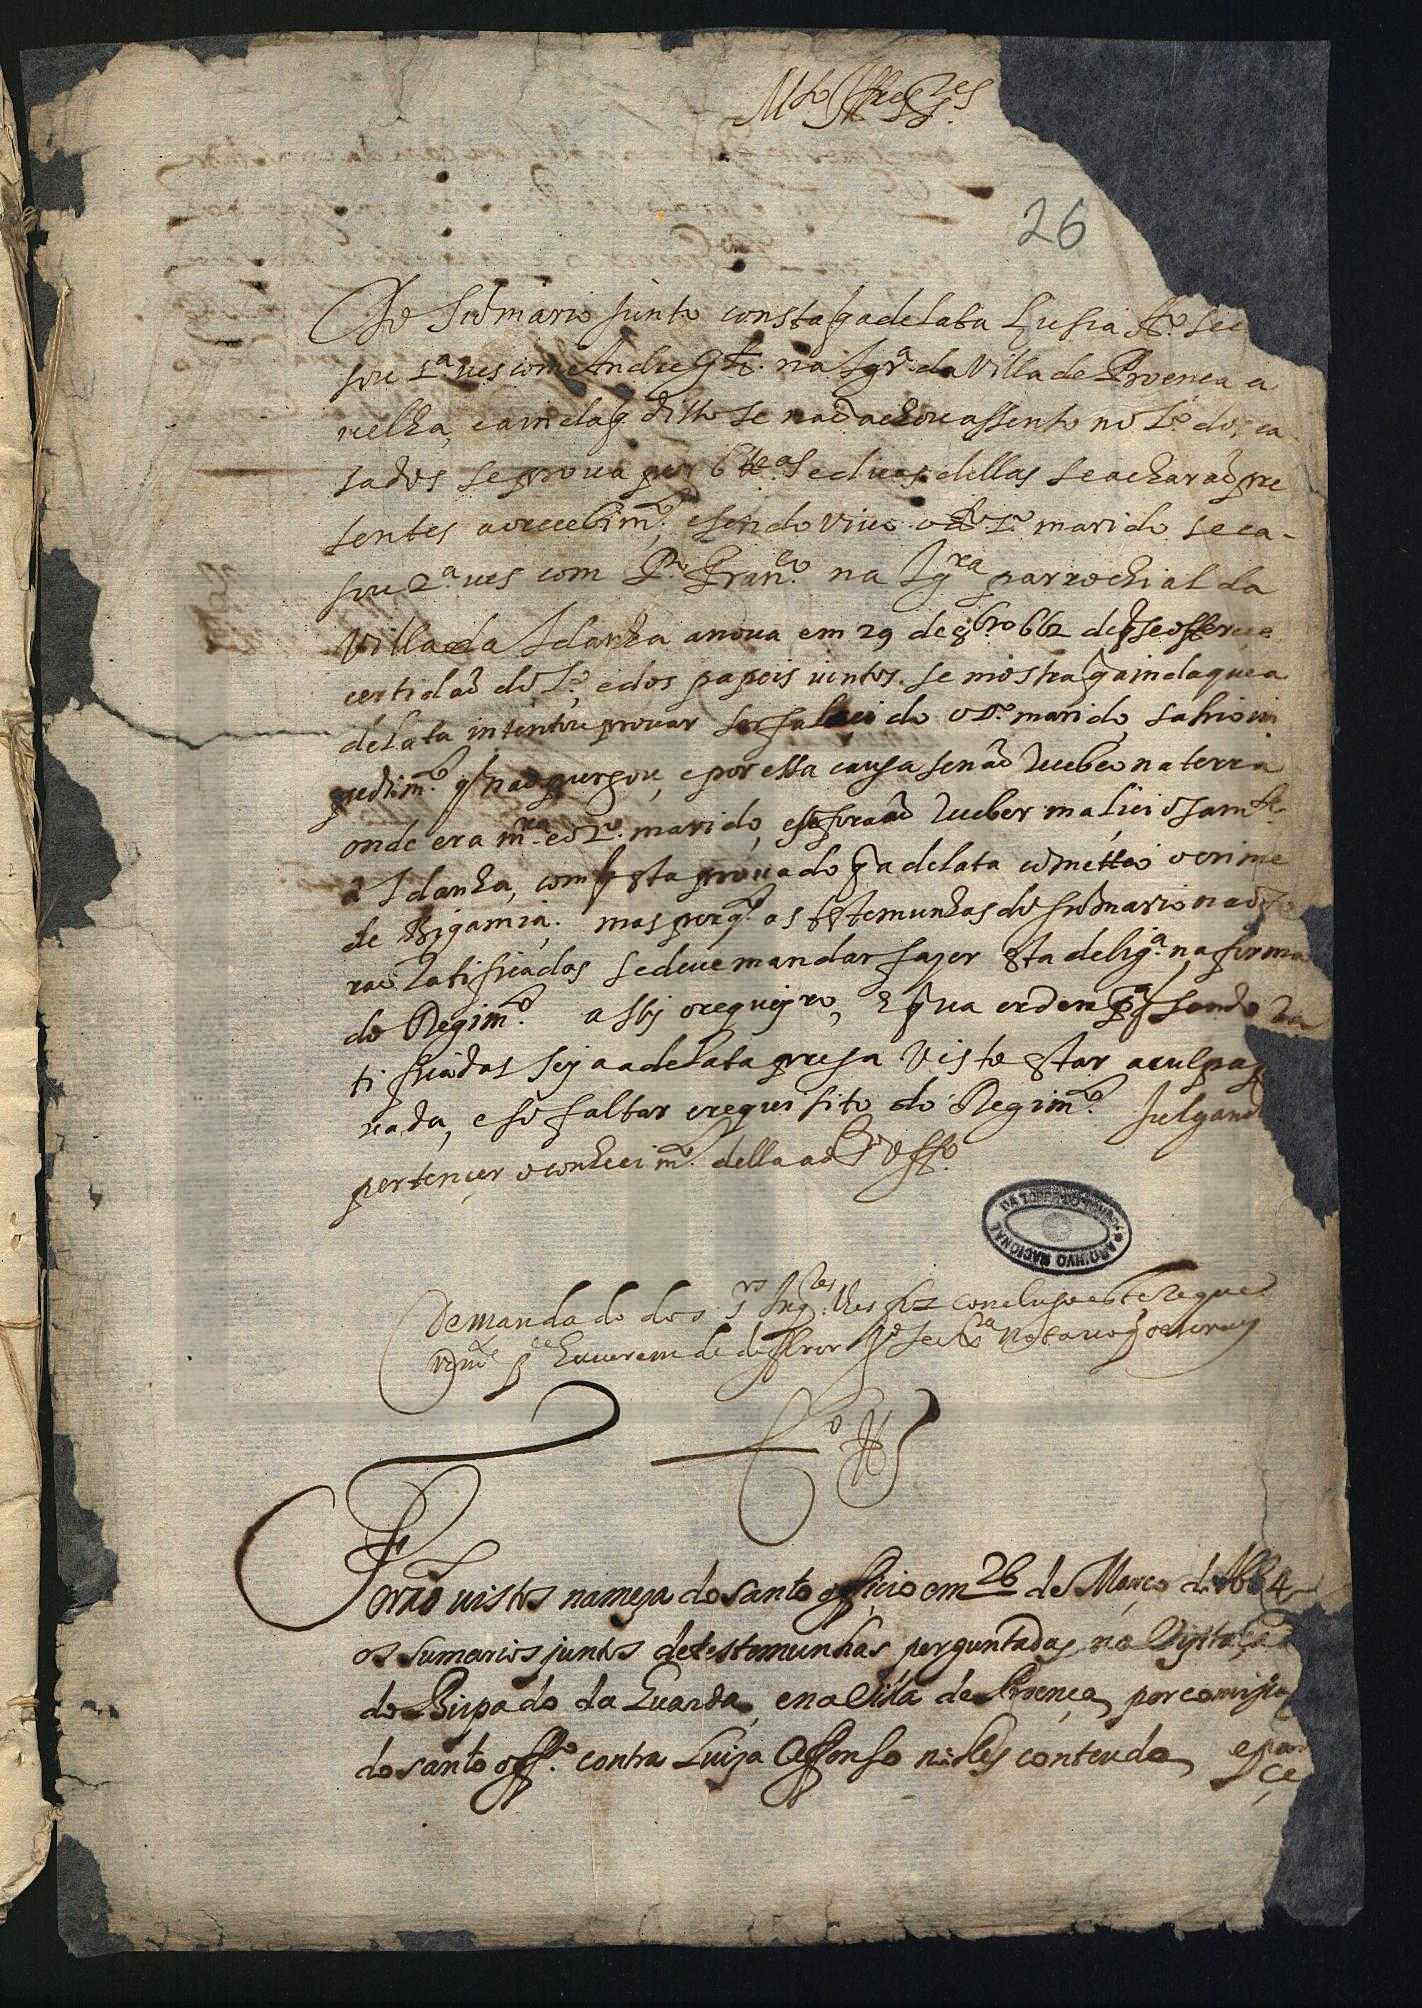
M.to Ill.res S.res
Do Sum̄ario junto consta q̄ a delata Luzia A.o Se c
sou 1.a ues com Andre Gl̄z. na Igr.a da Villa de Proença a
velha, com ela q̄ disso se naõ achou assento no L.o dos ca
sados se proua per 6 tt.as e duas dellas se acharaõ pre
sentes ao recebim.to; e sendo viuo o d̄.o 1.o marido se ca
sou 2.a ues com P.o Fran.co na Ig.ra parrochial da
Villa da Idanha a noua em 29 de 8.bro 662 de q̄ se offereçe
certidaõ do L.o e dos papeis iuntos. se mostra q̄ ainda que a
delata intentou prouar ser falecido o 1.o marido, sahio in
pedim.to q̄ naõ purgou, e por essa causa se naõ Recebeo na terra
onde era m.ra e o 2.o marido, e se foraaõ Receber maliçiosam.te
â Idanha, com q̄ esta prouado q̄ a delata cometteo o crime
de Bigamia; mas perq.to as testemunhas do Sumario naõ fo
raõ Ratificadas se deue mandar fazer esta dilig.a na forma
do Regim.to assy o requeyro, e q̄ na orden p.a q̄ sendo Ra
tificadas seya a delata preza visto estar a culpas
uada, e só faltar o requisito do Regm.to Julgand
pertençer o conhecim.to della ao S.to off.o
De mandado dos s.rs Inq.res lhes fiz concluso este Reque
rim.to pa hauerem de deferir J.o Teix.ra notario q̄ o escrevj
Foraõ uistos na meza do santo officio em 26 de Março de 1664
os sumarios juntos de testemunhas perguntadas na Vizitaça
do Bispado da Guarda, e na Villa de Proença por comissa
do santo off.o contra Luiza Affonso nelles conteuda e pa
çe
